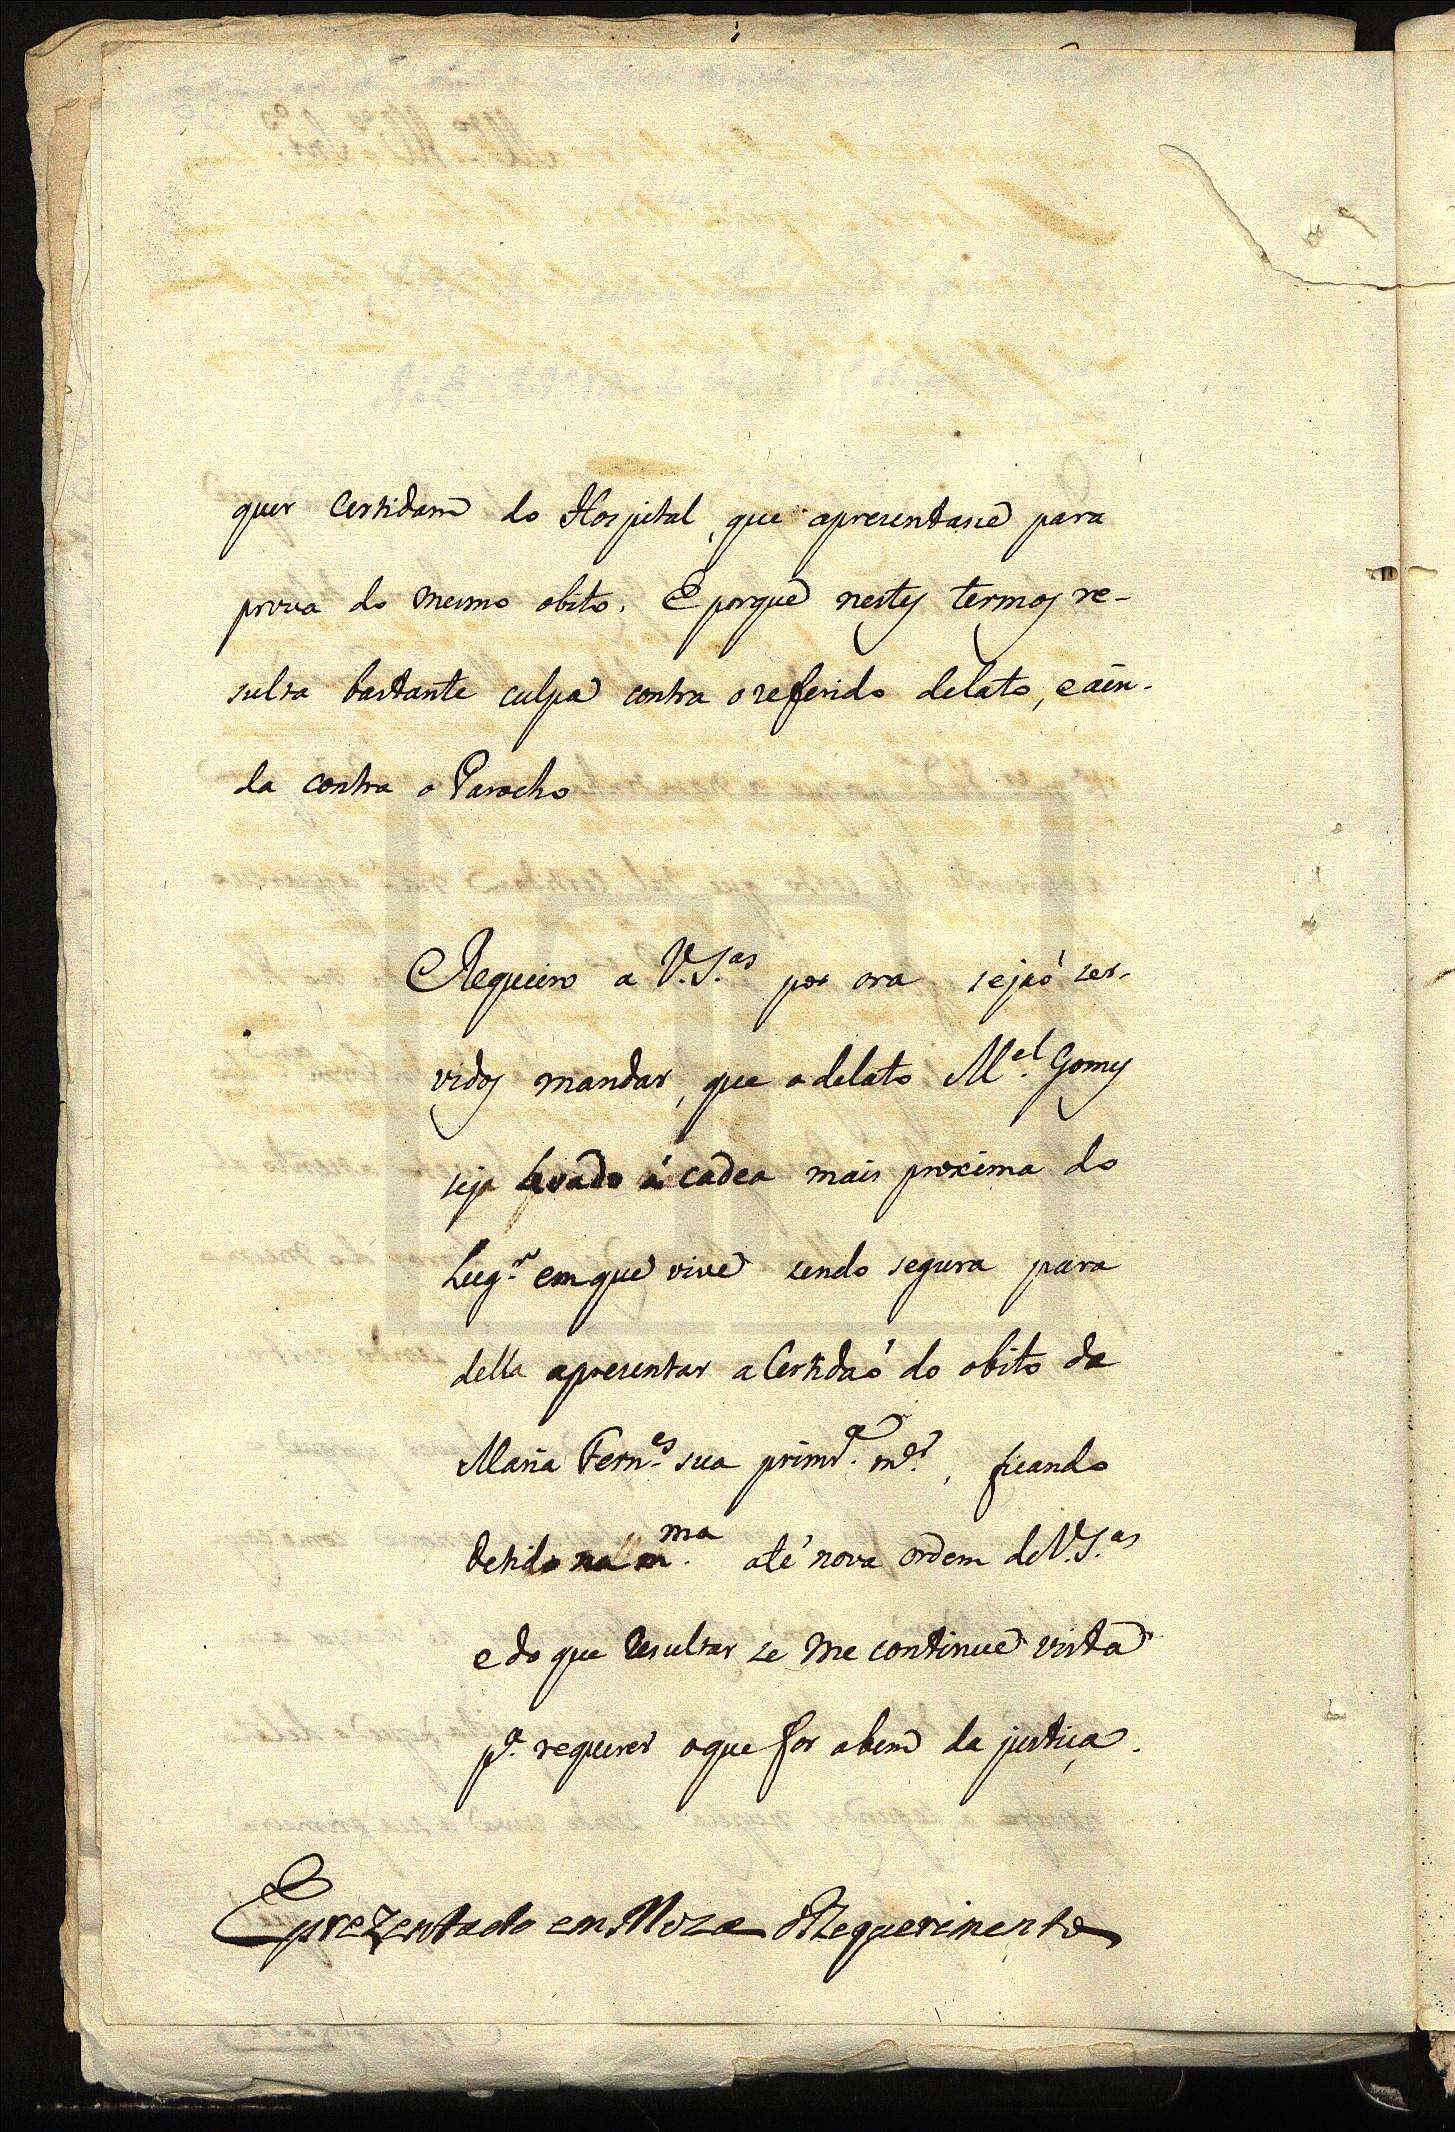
quer certidam do Hospital, que aprezentasse para
prova do mesmo obito. E porque nestes termos re
sulta bastante culpa contra o referido delato, e ain
da contra o Parocho
Requeiro a V. S.as por ora sejaõ ser
vidos mandar, que a delato M.el Gomes
seja levado á cadea mais proxima do
Lug.r em que vive sendo segura para
della aprezentar a Certidaõ do obito da
Maria Fern.es sua primr.a m.er, ficando
detido na m.ma até nova ordem de V. S.as
e do que Resultar se me continue vista
p.a requerer o que for a bem da justiça.
E prezentado em Meza o Requerimento
